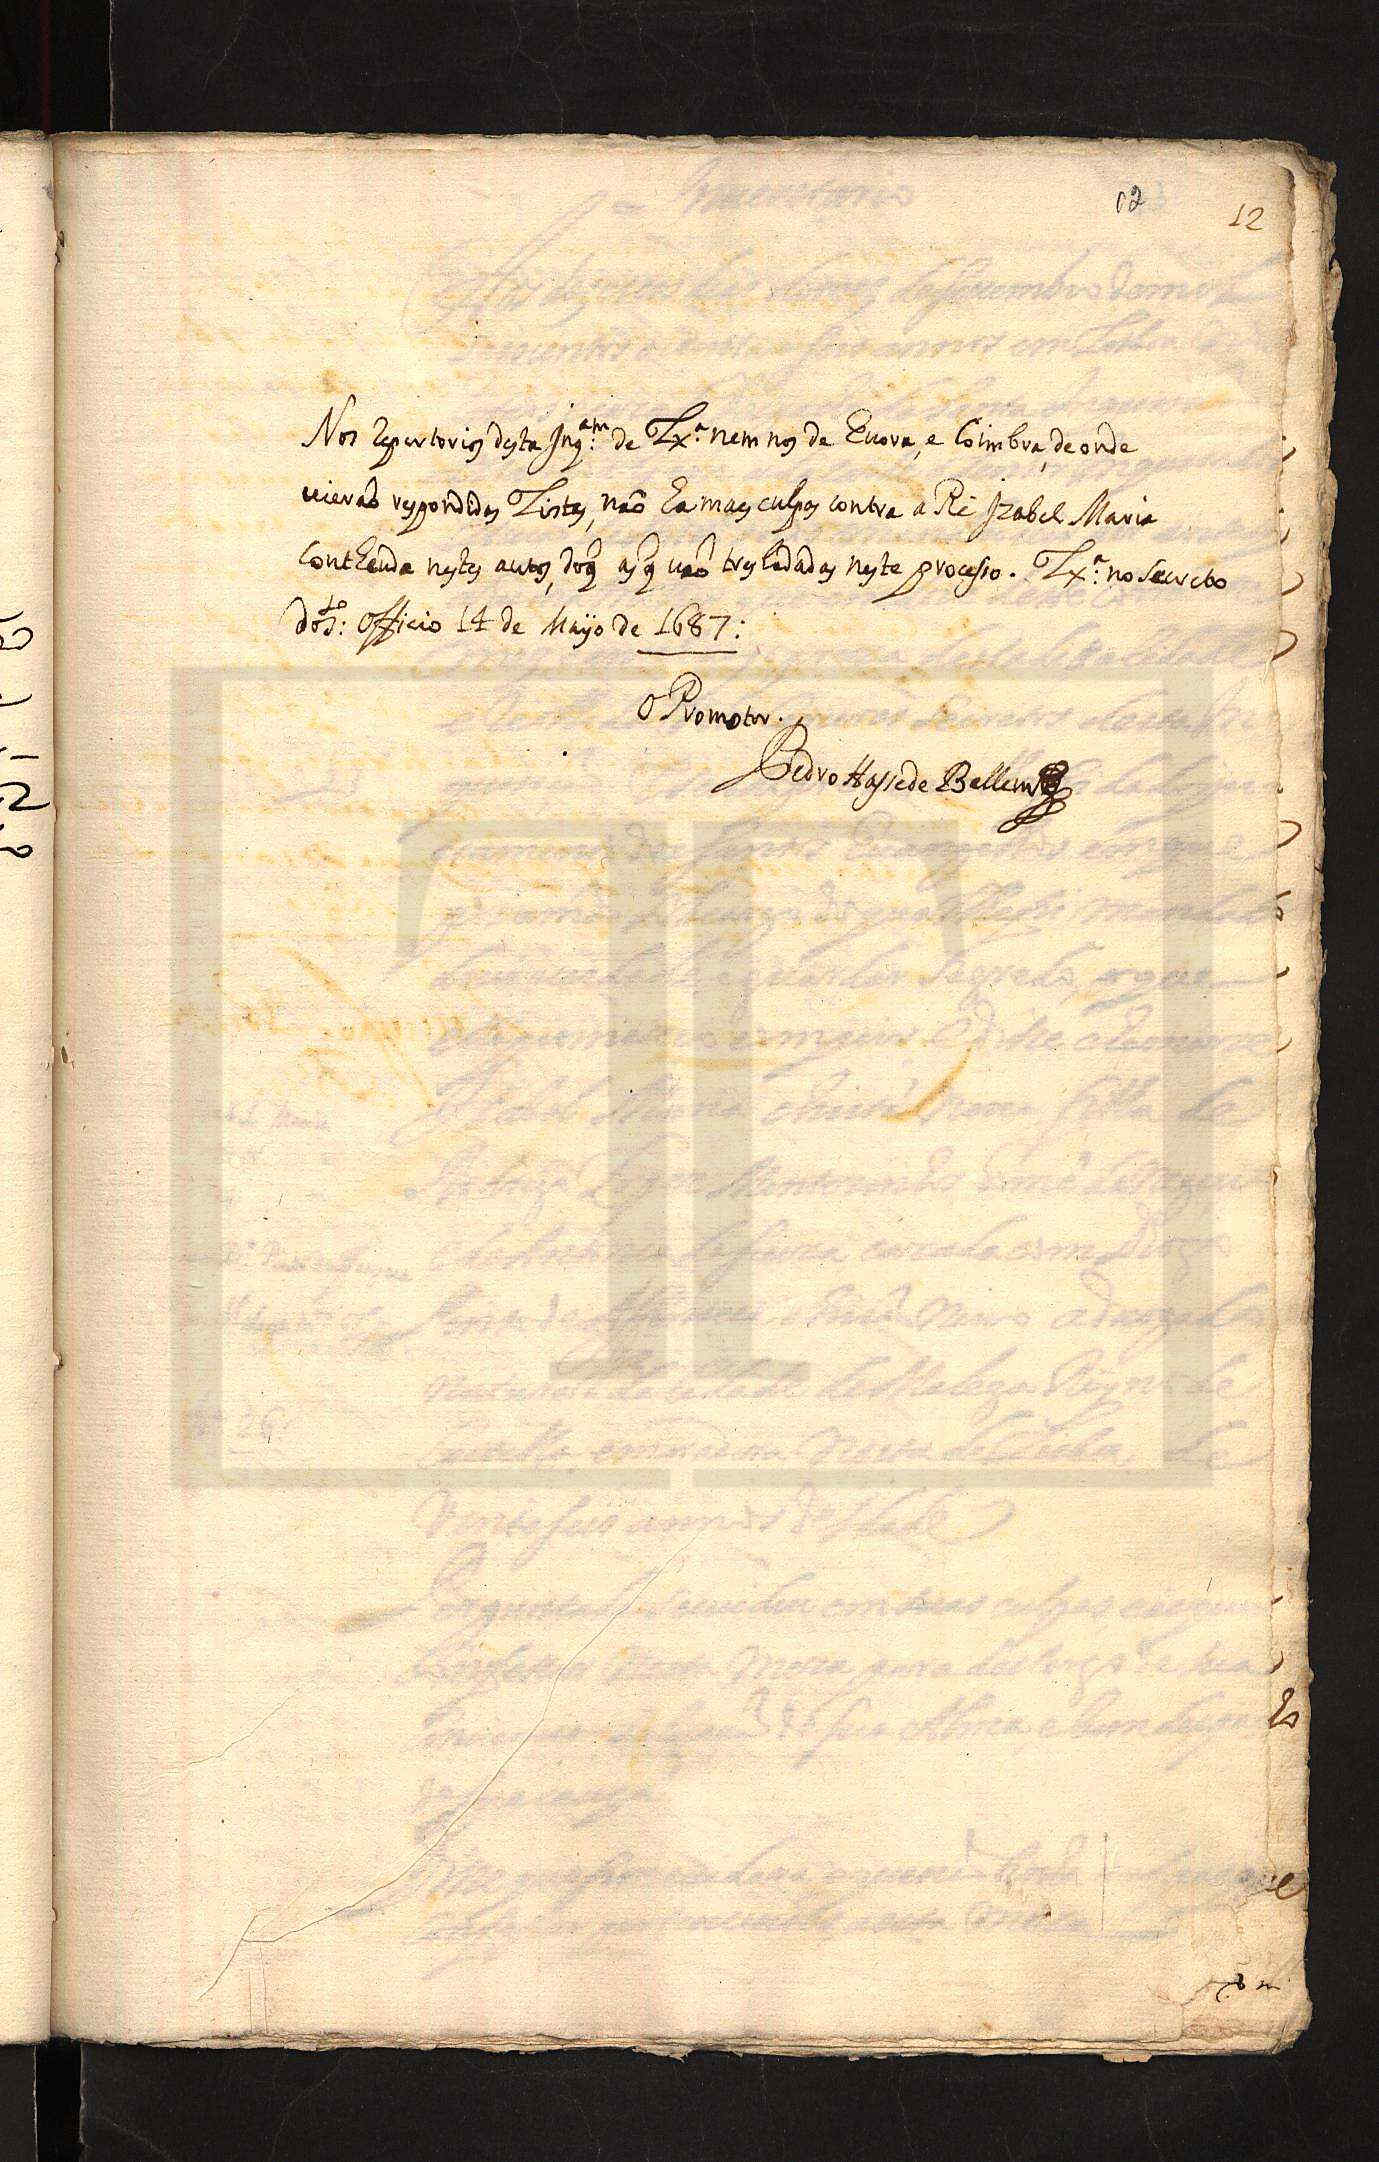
Nos Repertorios desta Jnqam: de Lx.a nem nos de Euora, e Coimbra, de onde
uieraõ respondidas Listas, naõ ha maes culpas contra a Ré Jzabel Maria
Contheuda nestes autos, do q̄ as q̄ uaõ tresladadas neste processo. Lx:a no Secreto
do s.to officio 14 de Mayo de 1687:
O Promotor.
